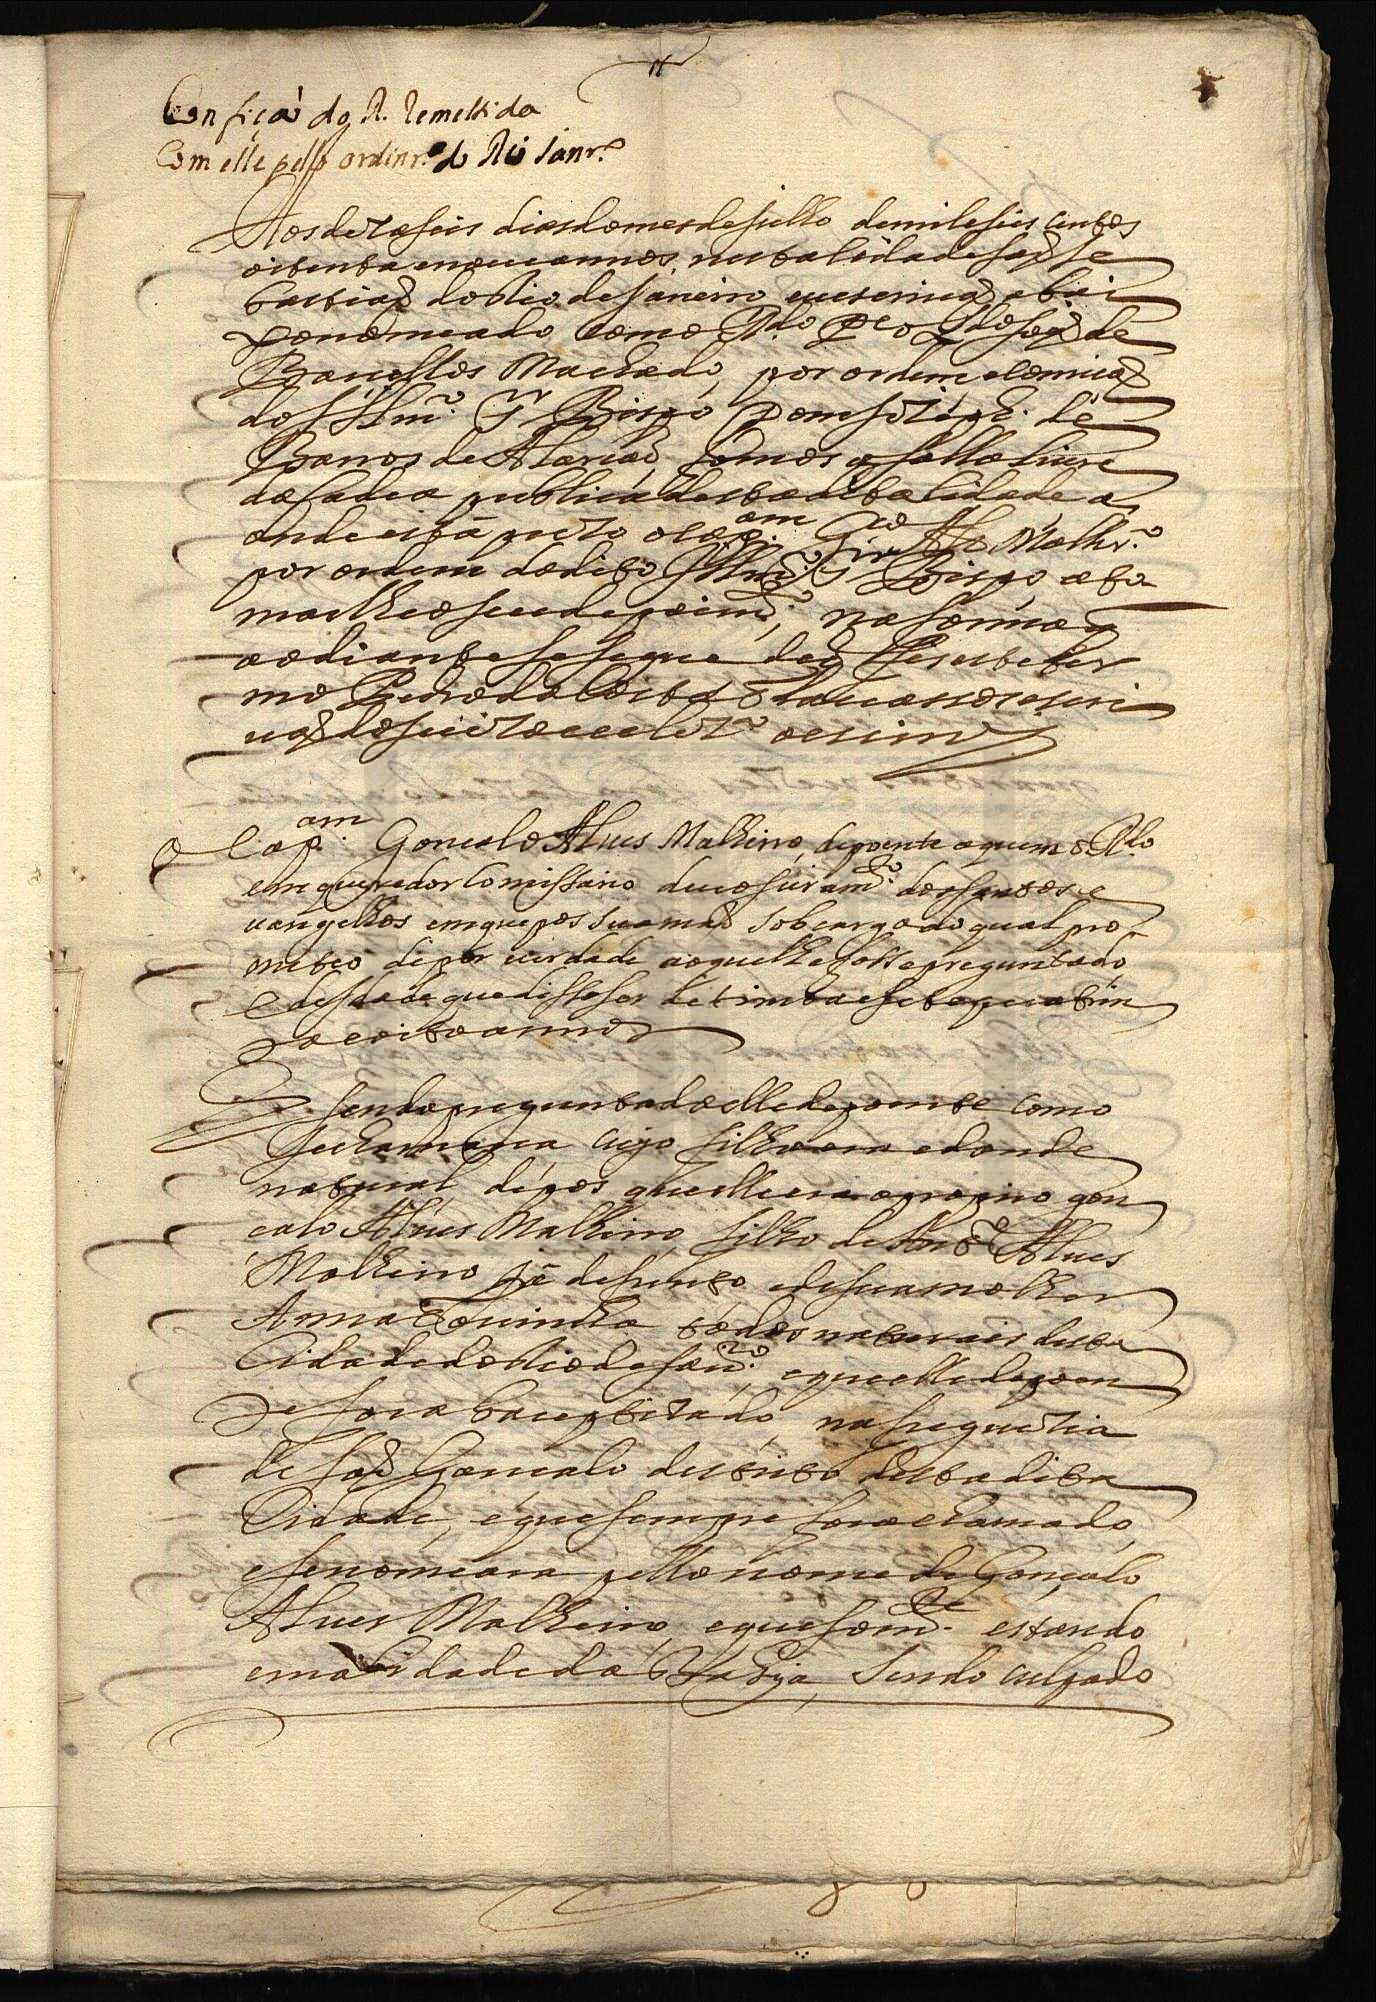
Confiçaõ do R. Remettida
Com elle pello ordinr.o do Rio Ianr.o
Aos dezaseis dias do mes de julho de mil e seiscentos
oitenta e noue annos, nesta Cidade saõ se
bastiaõ do Rio de janeiro eu escriuaõ abai
xo nomeado com o R.do Pco Ldo joaõ de
Barcellos Machado, por ordem e comiçaõ
do Jllm.o sor Bispo Dom joZeph. de
Barros de Alarcaõ, fomos a sella liure
da Cadea publica desta dita Cidade a
onde está prezo o cap.am Gço Alz̄ Malhr.o
por ordem do dito Jllmo. sor Bispo, a to
marlhe o seu depoim.to, na forma q̄
ao diante se segue do q̄ fis este ter
mo Pedro da Costa Trauassos escri
uaõ do JuiZo ecclezco o escrivj
O Cap.am Gonçalo Alues Malheiro, depoente a quem o R.do
emqueredor Comissario deu o juramto. dos santos e
uangelhos em que pos sua maõ sob cargo do qual pro
meteo de por uerdade ao que lhe fosse preguntado,
e de Jdade que disse ser de trinta e sete pera trin
ta e oito annos
E sendo preguntado elle depoente como
se chamaua, cujo filho era e donde
natural depos que elle era o proprio gon
çalo Alues Malheiro, filho de Anto Alues
Malheiro Já defunto e de sua molher
Anna Touinha todos naturais desta
Cidade do Rio de Jan.ro, e que elle depoen
te fora bauptizado na freguezia
de saõ Gonçalo distrito desta dita
Cidade, e que sempre fora chamado,
e se nomeara pello nome de Gonçalo
Alues Malheiro, e que som.te estando
em a Cidade da Bahya, Sendo culpado
